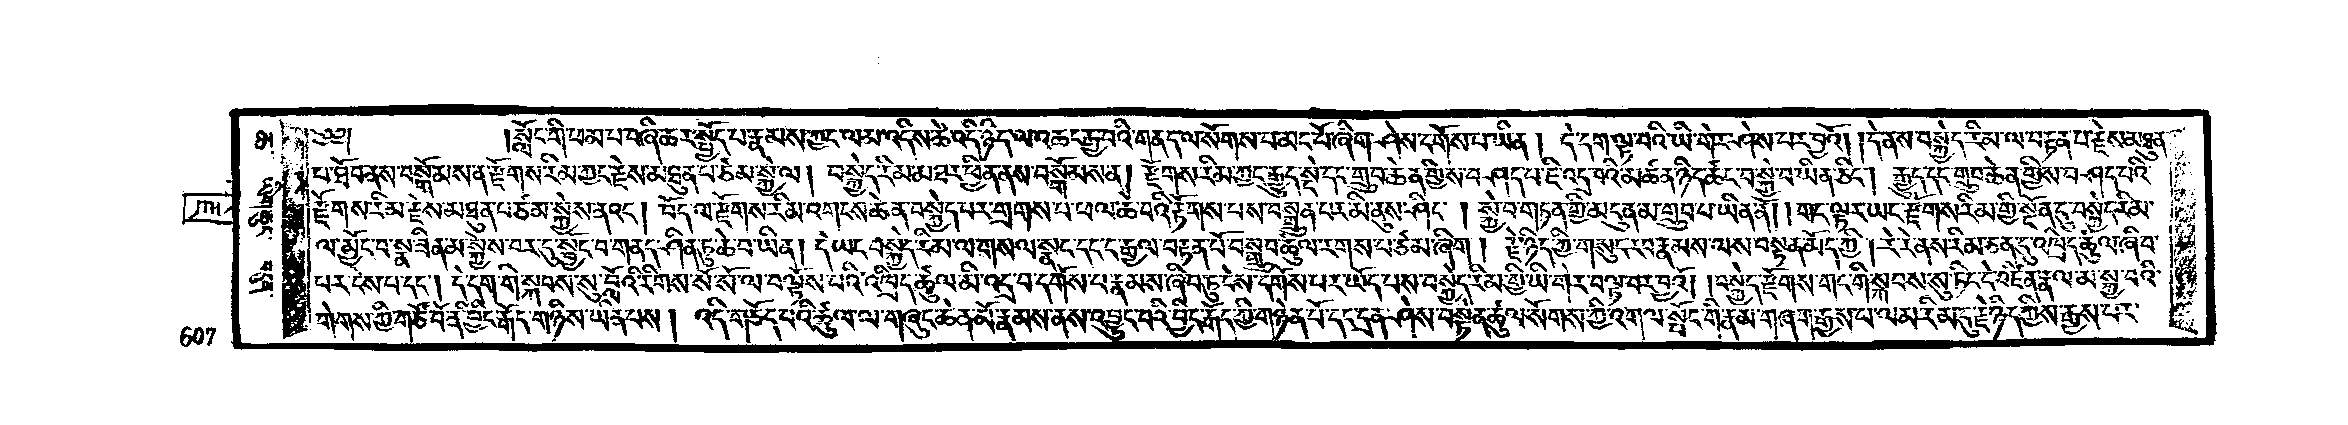༄༅། །སློང་གི་ཕམ་པ་བཞི་ཆར་སྤྱོད་པ་རྣམས་ཀྱང་ལམ་འདིས་ཚེ་འདི་ཉིད་ལ་འཚང་རྒྱ་བའི་གནད་ལ་སོགས་པ་མང་པོ་ཞིག་ཤེས་དགོས་པ་ཡིན། དེ་དག་ལྟ་བའི་ཡི་གེར་ཤེས་པར་བྱའོ། །དེ་ནས་བསྐྱེད་རིམ་ལ་བརྟན་པ་རྗེས་མཐུན་
པ་ཐོབ་ནས་བསྒོམས་ནས་རྫོགས་རིམ་ཀྱང་རྗེས་མཐུན་པ་ཙམ་སྐྱེ་ལ། བསྐྱེད་རིམ་མཐར་ཕྱིན་ནས་བསྒོམས་ན། རྫོགས་རིམ་ཀྱང་རྒྱུད་སྡེ་དང་གྲུབ་ཆེན་གྱིས་བཤད་པ་ཇི་འདྲ་བའི་མཚན་ཉིད་ཚང་བ་སྐྱེ་བ་ཡིན་ཅིང་། རྒྱུད་དང་གྲུབ་ཆེན་གྱིས་བཤད་པའི་
རྫོགས་རིམ་རྗེས་མཐུན་པ་ཙམ་སྐྱེས་ནའང་། བོད་ལ་རྫོགས་རིམ་འགངས་ཆེན་བསྐྱེད་པར་གྲགས་པ་ཕལ་ཆེ་བའི་རྟོགས་པས་བསྒྲུན་པར་མི་ནུས་ཤིང་། སྐྱེ་བ་གཏན་གྱི་མདུན་མ་གྲུབ་པ་ཡིན་ནོ། །གང་ལྟར་ཡང་རྫོགས་རིམ་གྱི་སྔོན་དུ་བསྐྱེད་རིམ་
ལ་མྱོང་བ་སྣ་ཟིན་མ་སྐྱེས་བར་དུ་སྦྱོང་བ་གནད་ཤིན་ཏུ་ཆེ་བ་ཡིན། དེ་ཡང་བསྐྱེད་རིམ་ལ་གསལ་སྣང་དང་ང་རྒྱལ་བརྟན་པོ་བསྒྲུབ་ཚུལ་རགས་པ་ཙམ་ཞིག །རྗེ་ཉིད་ཀྱི་གསུང་རབ་རྣམས་ལས་བསྟན་མོད་ཀྱི། རེ་རེ་ནས་རིམ་ཅན་དུ་འཁྲིད་ཚུལ་ཞིབ་
པར་ངེས་པ་དང་། དེ་དག་གི་སྐབས་སུ་བློའི་རིགས་སོ་སོ་ལ་བལྟོས་པའི་འཁྲིད་ཚུལ་མི་འདྲ་བ་དགོས་པ་རྣམས་ཞིབ་ཏུ་ངེས་དགོས་པར་ཡོད་པས་བསྐྱེད་རིམ་གྱི་ཡི་གེར་བལྟ་བར་བྱའོ། །བསྐྱེད་རྫོགས་གང་གི་སྐབས་སུ་ཏིང་ངེ་འཛིན་རྣལ་མ་སྐྱེ་བའི་
གེགས་ཀྱི་གཙོ་བོ་ནི་བྱིང་རྒོད་གཉིས་ཡིན་པས། འདི་གཅོད་པའི་ཚུལ་ལ་གཞུང་ཆེན་མོ་རྣམས་ནས་འབྱུང་བའི་བྱིང་རྒོད་ཀྱི་གཉེན་པོ་དང་དྲན་ཤེས་བསྟེན་ཚུལ་སོགས་ཀྱི་འགལ་སྤོང་གི་རྣམ་གཞག་རྒྱས་པ་ལམ་རིམ་དུ་རྗེ་ཉིད་ཀྱིས་རྒྱས་པར་